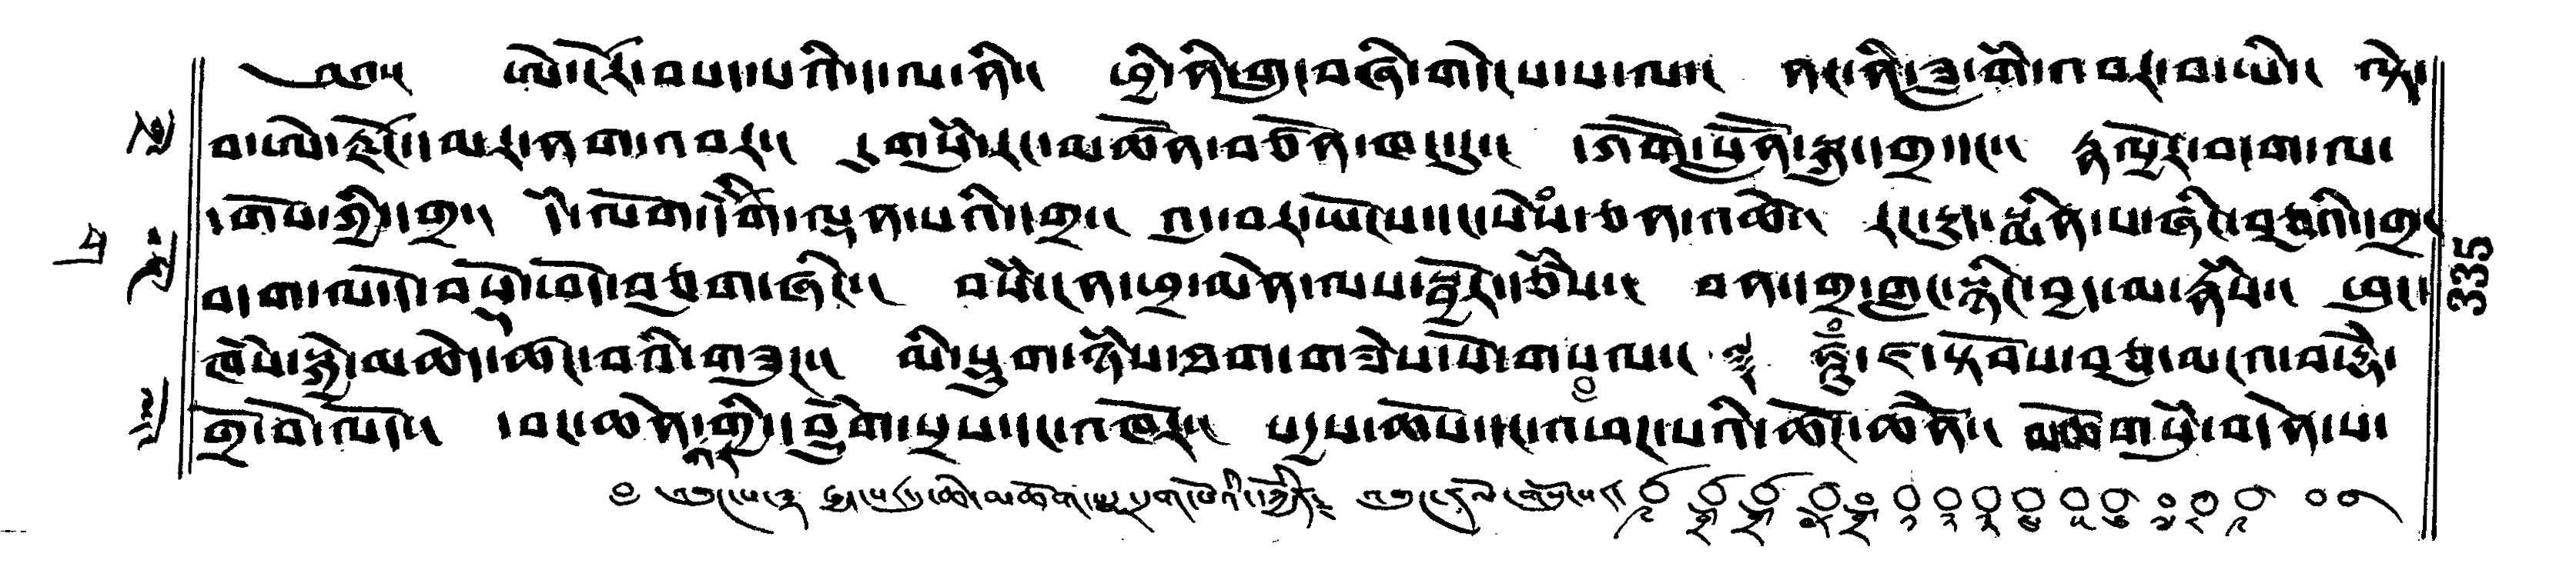ཨེཿངོ་མཚར་བསད་པའི་ད་ལ་ནི། །ཕྱི་ནི་གྲུ་བཞི་གདེངས་པ་ལ། །ནང་ནི་ཟླ་གམ་འབར་བ་ཡི། །ལྟེ་
བ་ཨེ་རྫོང་དམར་ནག་འབར། །དུག་གསུམ་རང་མཚོན་བཙོན་ཁང་དུ། །དཀོན་མཆོག་སློབ་དཔོན་སྐུ་དགྲ་དང་། །རྣལ་འབྱོར་བདག་ལ་
དགོས་ཀྱི་དགྲ དམ་ལོག་དམ་ཚིག་ལྡན་པའི་དགྲ། །འདུ་བར་ཡོངས་དང་སེམས་ཅན་འཚེ། །རང་རྒྱུད་སྨིན་པ་ཞིང་བཅའི་དགྲ། །
བདག་ལ་དོ་བསྡོ་ཕོད་བཅུག་ཞིང་། །བསམ་ངན་ཕྲ་མེན་ལས་སྦྱོར་བརྩམས། །བན་དགྲ་གླང་སྙིང་བྱད་མ་རྣམས། །ཕུང་
ཁམས་སྐྱེ་མཆེད་ཚང་བའི་གཟུགས། །མི་སྡུག་ཉམས་ཐག་གཟས་པོ་གསལ། ཧཱུྃ་ཛཿསྟོབས་བཅུ་མངའ་བ་རྡོ་རྗེ་
གྲོ་བོ་ལོད། །དབང་ཆེན་གར་གྱི་དབང་ཕྱུག་སྲས་དང་འཁོར། །སངས་རྒྱས་ཆོས་དང་འཕགས་པའི་ཚོགས་ཆེན་པོ། །མཆོག་གསུམ་བདེན་པ་